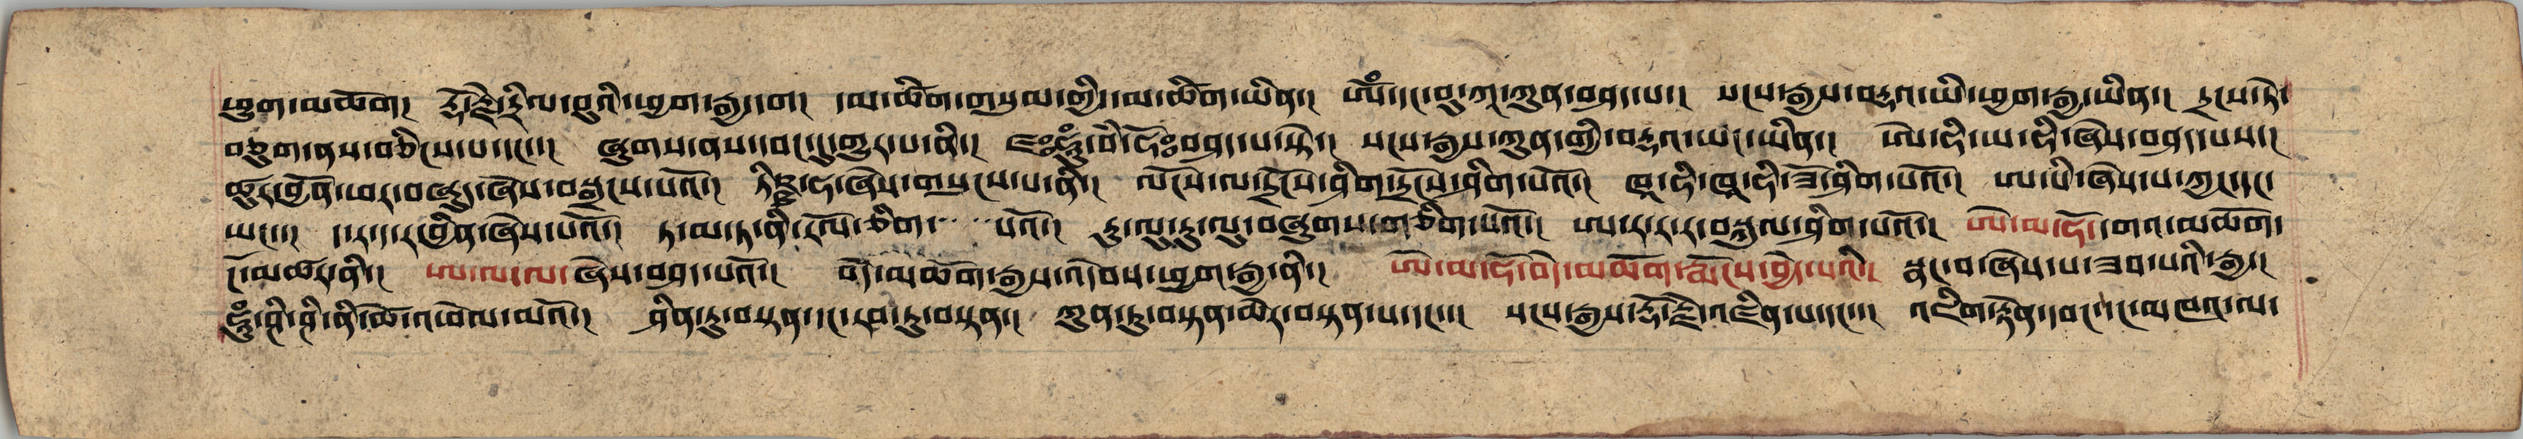ཕྱུག་མཆོག། རྡོ་རྗེ་དྲིལ་བུའི་ཕྱག་རྒྱ་དག། དམ་ཚིག་གསུམ་གྱི་དམ་ཚིག་ཡིན་། ཨོཾ་དང་བུ་ཀཱ་ཀུན་བཤད་པ་། སངས་རྒྱས་བརྡའ་ཡི་ཕྱག་རྒྱ་ཡིན་། དྲངས་ཏེ་
བཅུག་ནས་བཅིངས་པ་དང་་། ཞུགས་ནས་དབང་དུ་གྱུར་པ་ནི་། ཛཿཧཱུཾ་བཾ་ཧོཿབཤད་པ་སྟེ་། སངས་རྒྱས་ཀུན་གྱི་བརྡའ་ཡང་ཡིན་། ཨེ་ཧི་ཨ་ཧི་ཞེས་བཤད་པས་།
ཚུར་བྱོན་ཕར་བཞུད་ཞེས་བསྒྲངས་པའོ་། ཏིཥྛ་ཧ་ཞེས་གསུངས་པ་ནི་། ལོངས་ལ་དྲོངས་ཤིག་དྲོངས་ཤིག་པའོ་། ཁཱ་ཧི་ཁཱ་ཧི་ཟོ་ཤིག་པའོ་། ཨ་པི་ཞེས་པ་ཀྱང་དང་
ཡང་་། ད་ར་ད་ར་བྱིན་ཞེས་པའོ་། ཏ་མ་ཏ་ནི་རོལ་ཅིག་ པའོ་། རུ་ལུ་རུ་ལུ་བཞུགས་གཅིག་པའོ་། ཨ་ར་ར་ར་བསྐུལ་ཤིག་པའོ་། ཨེ་མ་ཧོ་དགའ་མཆོག་
ངོ་མཚར་ནི་། ཨ་ལ་ལ་ཞེས་བཤད་པའོ་། བདེ་མཆོག་རྒྱས་འདེབས་ཕྱག་རྒྱ་ནི་། ཨེ་མ་ཧོ་བདེ་མཆོག་རྨོངས་བྱེད་པའི་། སྣང་བ་ཞེས་པ་ཟབ་པའི་རྒྱ་།
ཧཱུཾ་ཤི་ཤི་ནི་ཚེ་འཕེལ་མའོ་། ཤིན་ཏུ་བསྟན་དང་རབ་ཏུ་བསྟན་། ཀུན་ཏུ་བསྟན་མེད་བསྟན་པ་དང་་། སངས་རྒྱས་རྡོ་རྗེ་འཛིན་པ་དང་་། འཇིག་རྟེན་དབང་དང་མཁའ་ལ་